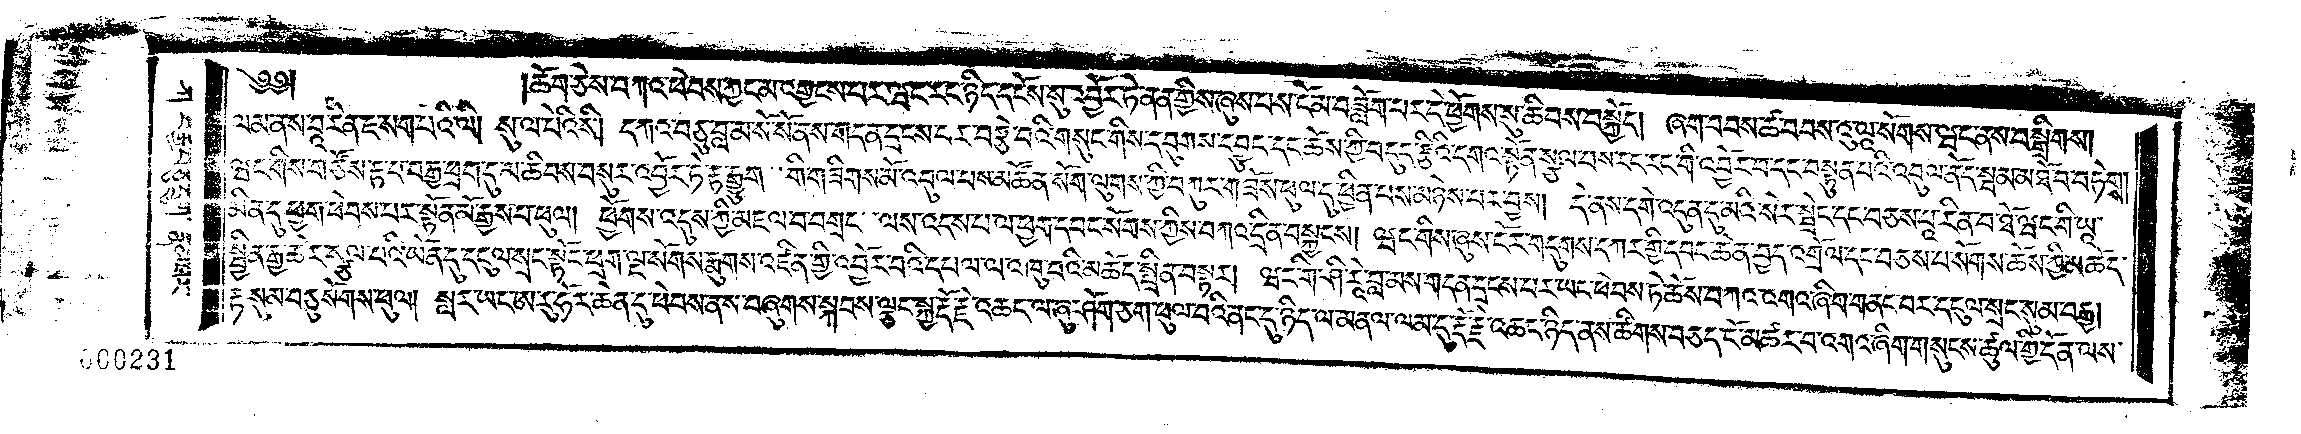༄༅། །ཆོག་ཅེས་བཀའ་ཕེབས་ཀྱང་མ་འགྱངས་པར་ཝང་རང་ཉིད་དངོས་སུ་འབྱོར་ཏེ་ནན་གྱིས་ཞུས་པས་ངོ་མ་བཟློག་པར་དེ་ཕྱོགས་སུ་ཆིབས་བསྐྱོད། ཞག་བབས་ཚ་བབས་འུ་ལཱ་སོགས་ཝང་ནས་བསྒྲིགས།
ལམ་ནས་བཱ་རིན་ཇ་སག་པའི་ལི། སུ་ལ་པེའི་སི། དཀའ་བཅུ་བླ་མ་སོ་སོ་ནས་གདན་དྲངས་པར་བརྩེ་བའི་གསུང་གིས་དབུགས་དབྱུང་དང་ཆོས་ཀྱི་བདུད་རྩིའི་དགའ་སྟོན་སྩལ་པས་རང་རང་གི་འབྱོར་བ་དང་བསྟུན་པའི་འབུལ་ནོད་སྦམ་མཐོ་བ་བཏེགས།
ཝང་གིས་གཙོས་རྟ་པ་བརྒྱ་ཕྲག་དུ་མ་ཆིབས་བསུར་འབྱོར་ཏེ་རྟ་རྒྱུག་གི་གཟིགས་མོ་འབུལ་པས་མཚོན་སོག་ལུགས་ཀྱི་བཀུར་གཟོས་ཕུལ་དུ་ཕྱིན་པས་མཉེས་པར་བྱས། དེ་ནས་དགེ་འདུན་དུ་མའི་སེར་སྤྲེང་དང་བཅས་པཱ་རིན་བ་ཐོ་ཝང་གི་ཡཱ་
མིན་དུ་ཕྱག་ཕེབས་པར་སྟོན་མོ་རྒྱས་པ་ཕུལ། ཕྱོགས་འདུས་ཀྱི་མཇལ་བ་བགྲང་ལས་འདས་པ་ལ་ཕྱག་དབང་སོགས་ཀྱིས་བཀའ་དྲིན་བསྐྱངས། ཝང་གིས་ཞུས་ངོར་གདུགས་དཀར་གྱི་དབང་ཆེན་བྱད་འགྲོལ་དང་བཅས་པ་སོགས་ཆོས་ཀྱི་མཆོད་
སྦྱིན་རྒྱ་ཆེར་སྩལ་པའི་ཡོན་དུ་དངུལ་སྲང་སྟོང་ཕྲག་ལྔ་སོགས་རྨུགས་འཛིན་གྱི་འབྱོར་བའི་དཔལ་ལ་འཁུ་བའི་མཆོད་སྤྲིན་བསྟར། ཝང་གི་ཤི་རE་བླ་མས་གདན་དྲངས་པར་ཡང་ཕེབས་ཏེ་ཆོས་བཀའ་འགའ་ཞིག་གནང་བར་དངུལ་སྲང་སུམ་བརྒྱ།
རྟ་སུམ་བཅུ་སོགས་ཕུལ། སླར་ཡང་ཨ་རུ་ཧོར་ཆེན་དུ་ཕེབས་ནས་བཞུགས་སྐབས་ལྕང་སྐྱ་རྡོ་རྗེ་འཆང་ལ་ཞུ་ཤོག་ཅིག་ཕུལ་བའི་ནང་དུ་ཉིད་ལ་མན་ལ་ལམ་དུ་རྡོ་རྗེ་འཆང་ཉིད་ནས་ཚིགས་བཅད་ངོ་མཚར་བ་འགའ་ཞིག་གསུངས་ཚུལ་གྱི་དོན་ལས་